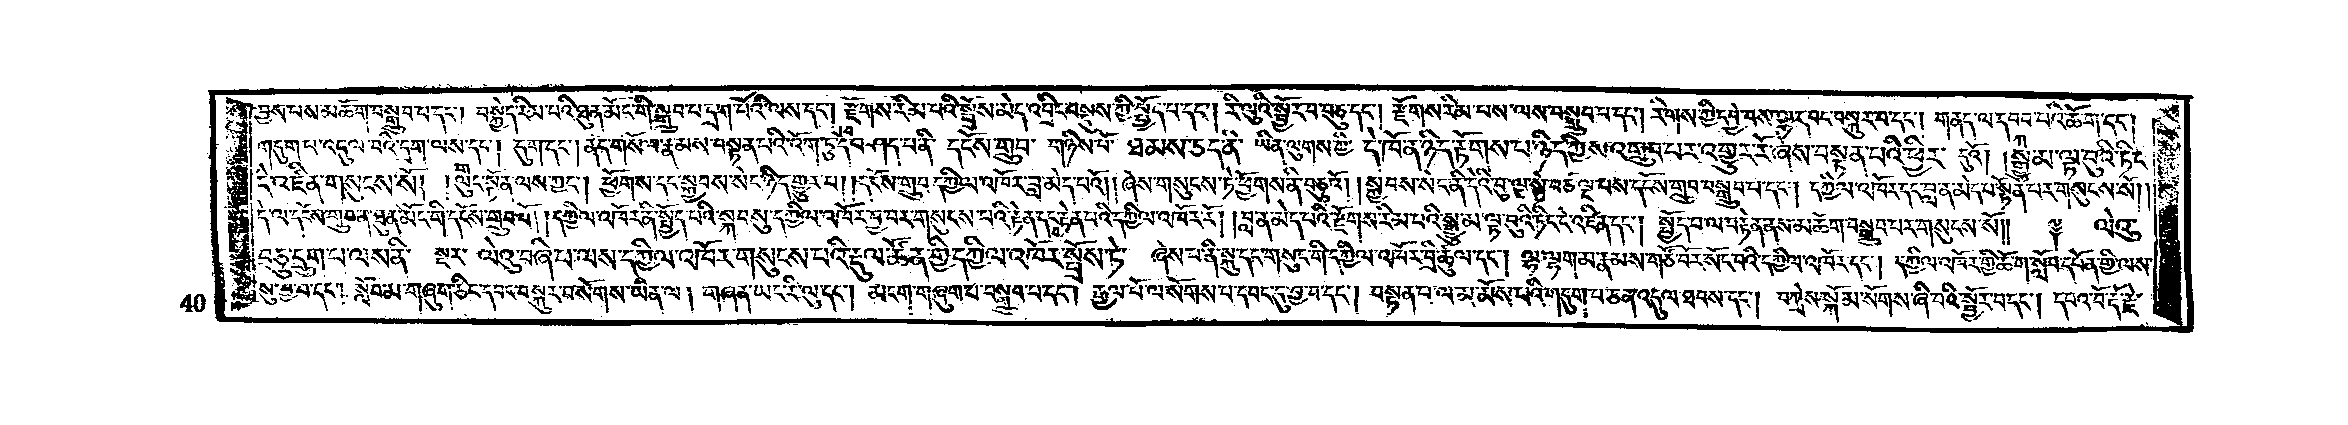བྱས་པས་མཆོག་བསྒྲུབ་པ་དང་། བསྐྱེད་རིམ་པའི་ཐུན་མོང་གི་སྒྲུབ་པ་དྲག་པོའི་ལས་དང་། རྫོགས་རིམ་པའི་སྤྲོས་མེད་འབྲིང་བསྡུས་ཀྱི་སྤྱོད་པ་དང་། རི་ལུའི་སྦྱོར་བ་བཅུ་དང་། རྫོགས་རིམ་པས་ལས་བསྒྲུབ་པ་དང་། རིགས་ཀྱི་དབྱེ་བས་ལྷ་དབང་བསྐུར་བ་དང་། གནད་ལ་དབབ་པའི་ཆོ་ག་དང་།
གདུག་པ་འདུལ་བའི་དྲག་ལས་དང་། དུག་དང་། ནད་གསོ་བ་རྣམས་བསྟན་པའི་འོག་ཏུ་དེ་བ་བཤད་པ་ནི་དངོས་གྲུབ་གཉིས་པོ་ཐམས་ཅད་ནི་ཡིན་ལུགས་ཀྱི་དེ་ཁོ་ན་ཉིད་རྟོགས་པ་ཉིད་ཀྱིས་འགྲུབ་པར་འགྱུར་རོ་ཞེས་བསྟན་པའི་ཕྱིར་དུའོ། ། ཀ་སྒྱུ་མ་ལྟ་བུའི་ཏིང་
ངེ་འཛིན་གསུངས་སོ། །ག་ལུང་སྟོན་ལས་ཀྱང་། ཕྱོགས་དང་སྐྱབས་སེང་ཉིད་གྱུར་པ། །དངོས་གྲུབ་དཀྱིལ་འཁོར་བླ་མེད་པའོ། །ཞེས་གསུངས་ཏེ་ཕྱོགས་ནི་བཅུའོ། །སྐྱབས་སེང་ནི་དེའི་བུ་ལྔ་སྟེ་བཅོ་ལྔ་པས་དངོས་གྲུབ་བསྒྲུབ་པ་དང་། དཀྱིལ་འཁོར་དང་བླ་ན་མེད་པ་སྟོན་པར་གསུངས་སོ། །
དེ་ལ་དངོས་གྲུབ་ནི་ཐུན་མོང་གི་དངོས་གྲུབ་བོ། །དཀྱིལ་འཁོར་ནི་སྤྱོད་པའི་སྐབས་སུ་དཀྱིལ་འཁོར་བྱ་བར་གསུངས་པའི་རྟེན་དང་བརྟེན་པའི་དཀྱིལ་འཁོར་རོ། །བླ་ན་མེད་པའི་རྫོགས་རིམ་པའི་སྒྱུ་མ་ལྟ་བུའི་ཏིང་ངེ་འཛིན་དང་། སྤྱོད་པ་ལ་བརྟེན་ནས་མཆོག་བསྒྲུབ་པར་གསུངས་སོ།། ༈ ལེའུ་
བཅུ་དྲུག་པ་ལས་ནི་སྔར་ལེའུ་བཞི་པ་ལས་དཀྱིལ་འཁོར་གསུངས་པའི་རྡུལ་ཚོན་གྱི་དཀྱིལ་འཁོར་སྤྲོས་ཏེ་ཞེས་པ་ནི་སྐུ་དང་གསུང་གི་དཀྱིལ་འཁོར་བྲི་ཚུལ་དང་། ལྷ་ལྷག་མ་རྣམས་གཙོ་བོར་སོང་བའི་དཀྱིལ་འཁོར་དང་། དཀྱིལ་འཁོར་གྱི་ཆོ་ག་སློབ་དཔོན་གྱི་ལས་
སུ་བྱ་བ་དང་། སློབ་མ་གཞུག་ཅིང་དབང་བསྐུར་བ་སོགས་ཡིན་ལ། གཞན་ཡང་རི་ལུ་དང་། མངག་གཞུག་པ་བསྒྲུབ་པ་དང་། རྒྱལ་པོ་ལ་སོགས་པ་དབང་དུ་བྱ་བ་དང་། བསྟན་པ་ལ་མ་མོས་པའི་གདུག་པ་ཅན་འདུལ་ཐབས་དང་། བཀྲེས་སྒོམ་སོགས་ཞི་བའི་སྦྱོར་བ་དང་། དཔའ་བོ་རྡོ་རྗེ་